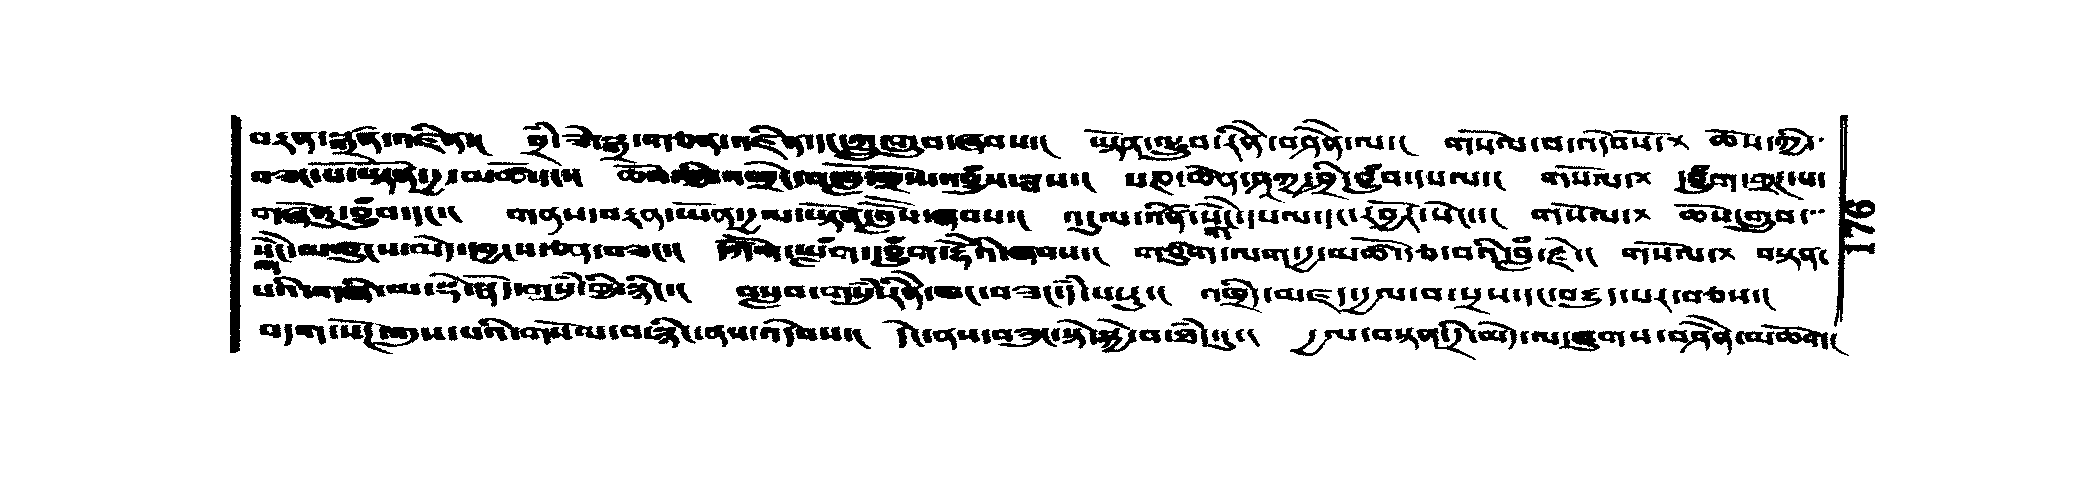བརྟན་སྒྲ་གཅན་འཛིན། །བྲམ་ཟེ་སྒྲ་གཅན་འཛིན་དང་ཀླུ་སྒྲུབ་ཞབས། །ཡོན་ཏན་ལྷུན་གྲུབ་རིན་ཆེན་བཤེས་གཉེན་ལ། །གསོལ་བ་འདེབས་སོ༴ །ཆོས་ཀྱི་
བཟང་པོ་ཡོན་ཏན་རྒྱ་མཚོ་དང་། །ཆོས་ཀྱི་འཕྲེང་བ་བློ་གྲོས་འབྱུང་གནས་སྦས། །པཎ་ཆེན་ཤཱཀྱ་ཤྲི་བྱང་ཆུབ་དཔལ། །གསོལ༴ །དབང་ཕྱུག་གྲགས་པ་
གཞོན་ནུ་བྱང་ཆུབ་དང་། །གནས་བརྟན་ཡོན་རྒྱལ་ཡོན་ཏན་བློ་གྲོས་ཞབས། །འདུལ་འཛིན་སེངྒེ་དཔལ་དང་རབ་འབྱོར་སེང་། །གསོལ༴ །ཆོས་གྲུབ་
སེངྒེ་མཚུངས་མེད་དབྱངས་ཅན་བཟང་། །དཀོན་མཆོག་ཡན་ལག་དབང་ཕྱུག་རྡོ་རྗེའི་ཞབས། །གཙུག་ལག་རྒྱ་མཚོ་རྩ་བའི་བླ་མ་རྗེ། །གསོལ༴ །བསྟན་
པའི་གཞི་མ་སྡེ་སྣོད་གསུམ་གྱི་སྙིང་། །བསླབ་གསུམ་རིན་ཆེན་ཁང་བཟང་དམ་པ་རུ། །འཁྲིད་མཛད་རྒྱལ་བ་སྲས་དང་བརྒྱུད་པར་བཅས། །
བདག་སོགས་གུས་པའི་གསོལ་བ་སྙིང་ནས་འདེབས། །དེང་ནས་བཟུང་སྟེ་སྐྱེ་བ་ཐམས་ཅད་དུ། །རྒྱལ་བསྟན་དྲི་མེད་ལ་ཞུགས་བཤེས་གཉེན་མཆོག